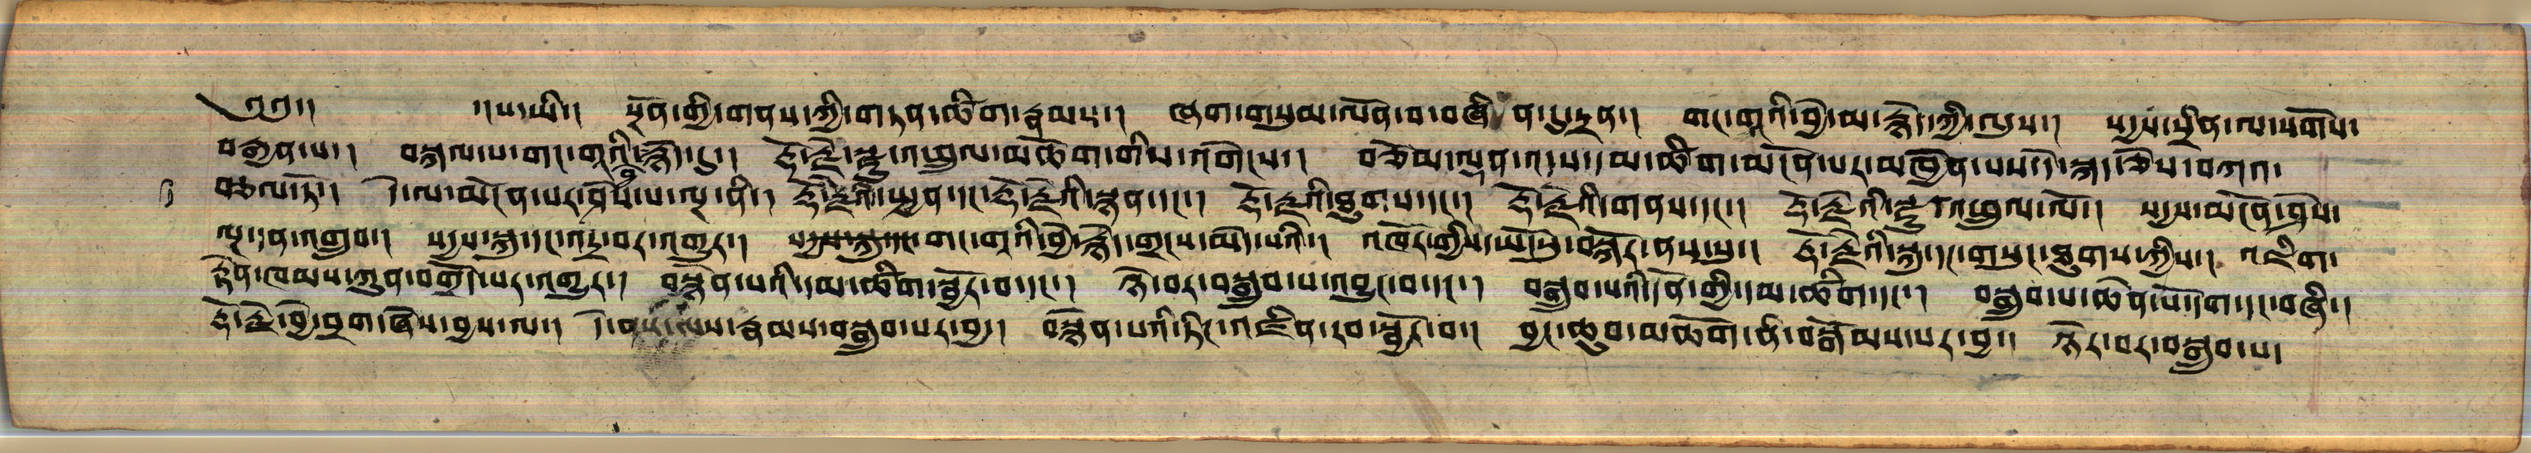༄༅་། ་།ས་ཡི་། སྔོན་གྱི་གནས་ཀྱི་གཏན་ཚིག་རྣམས་། ཞག་གསུམ་ལོན་པ་བཞི ན་དུ་དྲན་། གང་གཱའི་བྱེ་མ་རྙེད་ཀྱི་ལུས་། སདྱས་སྲིན་ལ་སོགས་
བརྒྱན་པ་། བསྐལ་པ་གང་གཱའི་བྱེ་རྙེད་དུ་། རྡོ་རྗེ་སྫུ་འཕྲུལ་མཆོག་གིས་འགེངས་། བཅོམ་ལྡན་འདས་དམ་ཚིག་མངོན་པར་མཁྱེན་པས་དེ་སྐད་ཅེས་བཀའ་
བཅལ་ཏོ་། དེ་ལ་མངོན་པར་ཤེས་པ་ལྔ་ནི་། རྡོ་རྗེའི་སྤྱན་དང་རྡོ་རྗེའི་སྙན་དང་། རྡོ་རྗེའི་ཐུགས་དང་། རྡོ་རྗེའི་གནས་དང་། རྡོ་རྗེའི་སྫུ་འཕྲུལ་ལོ་། སདྱས་མངོན་ཤེས་
ལྔ་དན་འགྲུབ་། སདྱས་སྐུ་དང་འདྲ་བར་འགྱུར་། སདྱས་སྐུ་དང་གང་གཱའི་བྱེ་རྙེད་གྲངས་མེད་པའི་། འཁོར་གྱིས་ཡོངསུ་བསྐོར་ནས་སུ་། རྡོ་རྗེའི་སྐུ་དང་གསུང་ཐུགས་ཀྱིས་། འཇིག་
རྟེན་ཁམས་ཀུན་བགྲོད་པར་འགྱུར་། བསྙེན་པའི་དམ་ཚིག་སྦྱོར་བ་དང་། ཉེ་བར་བསྒྲུབ་པ་འབྱུང་བ་དང་། བསྒྲུབ་པའི་དོན་གྱི་དམ་ཚིག་དང་། བསྒྲུབ་པ་ཆེན་པོ་དག་དང་བཞི་།
རྡོ་རྗེ་བྱེ་བྲག་ཞེས་བྱས་ལ་། དེ་ནས་ལས་རྣམས་བསྒྲུབ་པར་བྱ་། བསྙེན་པའི་ཏིང་འཛིན་རབ་སྦྱོར་བ་། བྱང་ཆུབ་མཆོག་ནི་བསྒོམས་པར་བྱ་། ཉེར་བར་བསྒྲུབ་པ་